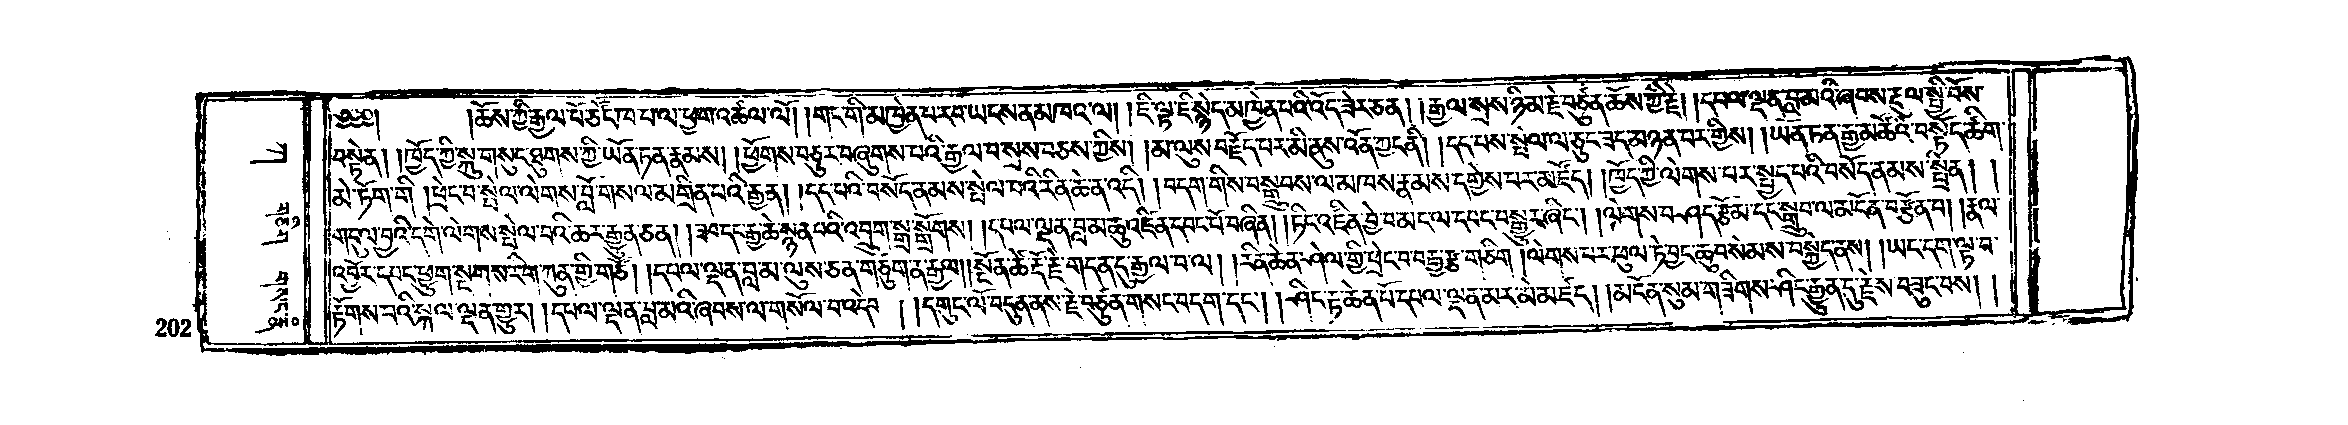༄༅༅། །ཆོས་ཀྱི་རྒྱལ་པོ་ཙོང་ཁ་པ་ལ་ཕྱག་འཚལ་ལོ། །གང་གི་མཁྱེན་པ་རབ་ཡངས་ནམ་མཁའ་ལ། །ཇི་ལྟ་ཇི་སྙེད་མཁྱེན་པའི་འོད་ཟེར་ཅན། །རྒྱལ་སྲས་ཉི་མ་རྗེ་བཙུན་ཆོས་ཀྱི་རྗེ། །དཔལ་ལྡན་བླ་མའི་ཞབས་རྡུལ་སྤྱི་བོས་
བསྟེན། །ཁྱོད་ཀྱི་སྐུ་གསུང་ཐུགས་ཀྱི་ཡོན་ཏན་རྣམས། །ཕྱོགས་བཅུར་བཞུགས་པའི་རྒྱལ་བ་སྲས་བཅས་ཀྱིས། །མ་ལུས་བརྗོད་པར་མི་ནུས་འོན་ཀྱང་ནི། །དད་པས་སྤེལ་ལ་ཅུང་ཟད་མཉན་པར་གྱིས། །ཡོན་ཏན་རྒྱ་མཚོའི་བསྟོད་ཚིག་
མེ་ཏོག་གི །ཕྲེང་བ་སྤེལ་ལེགས་བློ་གསལ་མགྲིན་པའི་རྒྱན། །དད་པའི་བསོད་ནམས་སྤེལ་བའི་རིན་ཆེན་འདི། །བདག་གིས་བསྒྲུབས་ལ་མཁས་རྣམས་དགྱེས་པར་མཛོད། །ཁྱོད་ཀྱི་ལེགས་པར་སྤྱད་པའི་བསོད་ནམས་སྤྲིན། །
གདུལ་བྱའི་དགེ་ལེགས་སྤེལ་བའི་ཆར་རྒྱུན་ཅན། །ཟབ་དང་རྒྱ་ཆེ་སྙན་པའི་འབྲུག་སྒྲ་སྒྲོགས། །དཔལ་ལྡན་བླ་མ་ཆུ་འཛིན་དབང་པོ་བཞིན། །ཏིང་འཛིན་བྱེ་བ་མང་ལ་དབང་བསྒྱུར་ཞིང་། །ལེགས་བཤད་རྩོམ་དང་སྒྲུབ་ལ་མངོན་བརྩོན་པ། །རྣལ་
འབྱོར་དབང་ཕྱུག་སྔགས་རིག་ཀུན་གྱི་གཙོ། །དཔལ་ལྡན་བླ་མ་ལུས་ཅན་གཙུག་ན་རྒྱལ། །སྔོན་ཚེ་རྡོ་རྗེ་གདན་དུ་རྒྱལ་བ་ལ། །རིན་ཆེན་ཤེལ་གྱི་ཕྲེང་བ་བརྒྱ་རྩ་གཅིག །ལེགས་པར་ཕུལ་ཏེ་བྱང་ཆུབ་སེམས་བསྐྱེད་ནས། །ཡང་དག་ལྟ་བ་
རྟོགས་པའི་སྐལ་ལྡན་གྱུར། །དཔལ་ལྡན་བླ་མའི་ཞབས་ལ་གསོལ་བ་འདེབ། །དགུང་ལོ་བདུན་ནས་རྗེ་བཙུན་གསང་བདག་དང་། །ཤིང་རྟ་ཆེན་པོ་དཔལ་ལྡན་མར་མེ་མཛད། །མངོན་སུམ་གཟིགས་ཤིང་རྒྱུན་དུ་རྗེས་བཟུང་བས། །